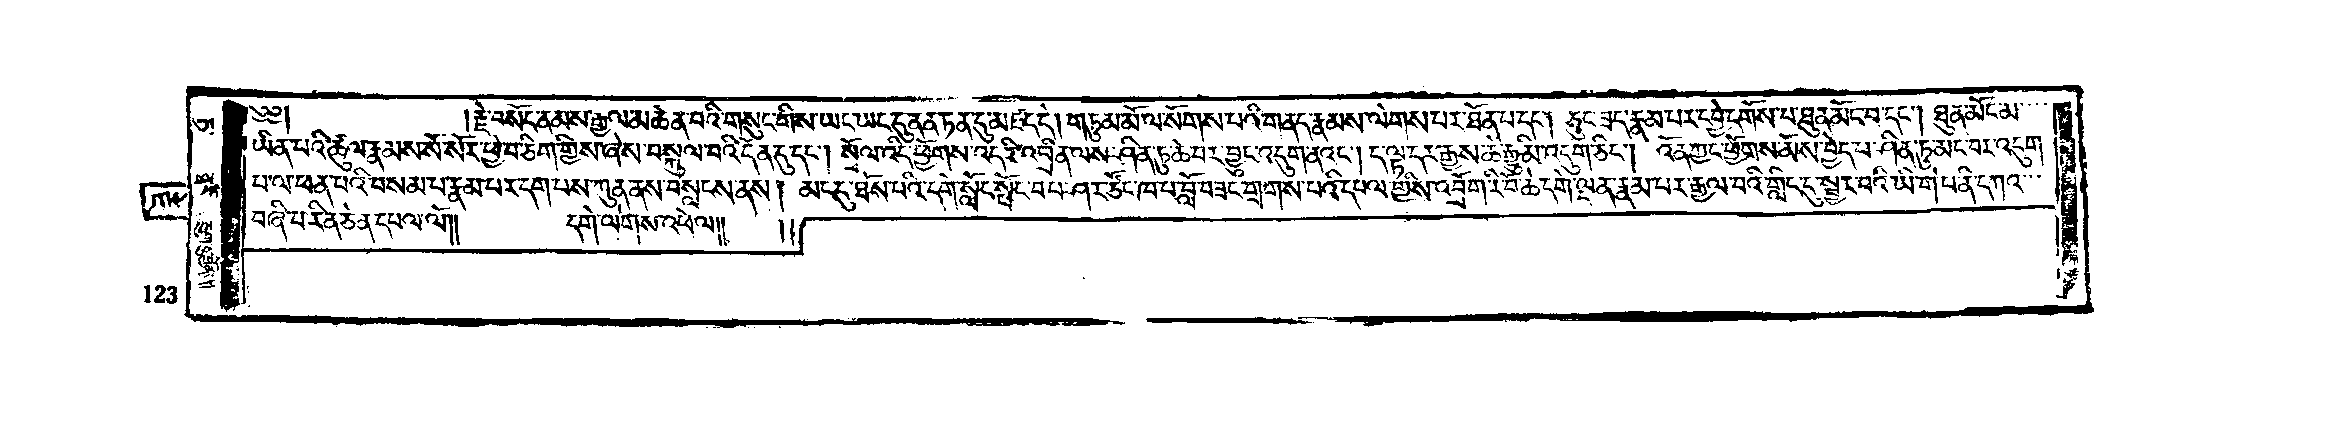༄༅། །རྗེ་བསོད་ནམས་རྒྱལ་མཚན་བའི་གསུང་གིས་ཡང་ཡང་དུ་ནན་ཏན་དུ་མཛད་དེ། གཏུམ་མོ་ལ་སོགས་པའི་གནད་རྣམས་ལེགས་པར་ཐོན་པ་དང་། ཅུང་ཟད་རྣམ་པར་དབྱེ་དགོས་པ་ཐུན་མོང་བ་དང་། ཐུན་མོང་མ་
ཡིན་པའི་ཚུལ་རྣམས་སོ་སོར་ཕྱེ་བ་ཅིག་གྱིས་ཞེས་བསྐུལ་བའི་དོན་དུ་དང་། སྲོལ་འདི་ཕྱོགས་འདིར་འཕྲིན་ལས་ཤིན་ཏུ་ཆེ་བར་བྱུང་འདུག་ནའང་། ད་ལྟ་དར་རྒྱས་ཆེ་རྒྱུ་མི་འདུག་ཅིང་། འོན་ཀྱང་ཕྱོགས་མོས་བྱེད་པ་ཤིན་ཏུ་མང་བར་འདུག་
པ་ལ་ཕན་པའི་བསམ་པ་རྣམ་པར་དག་པས་ཀུན་ནས་བསླངས་ནས། མང་དུ་ཐོས་པའི་དགེ་སློང་སྤོང་བ་པ་ཤར་ཙོང་ཁ་པ་བློ་བཟང་གྲགས་པའི་དཔལ་གྱིས་འབྲོག་རི་བོ་ཆ་དགེ་ལྡན་རྣམ་པར་རྒྱལ་བའི་གླིང་དུ་སྦྱར་བའི་ཡི་གེ་པ་ནི་དཀའ་
བཞི་པ་རིན་ཅེན་དཔལ་ལོ། །དགེ་ལེགས་འཕེལ།། །།